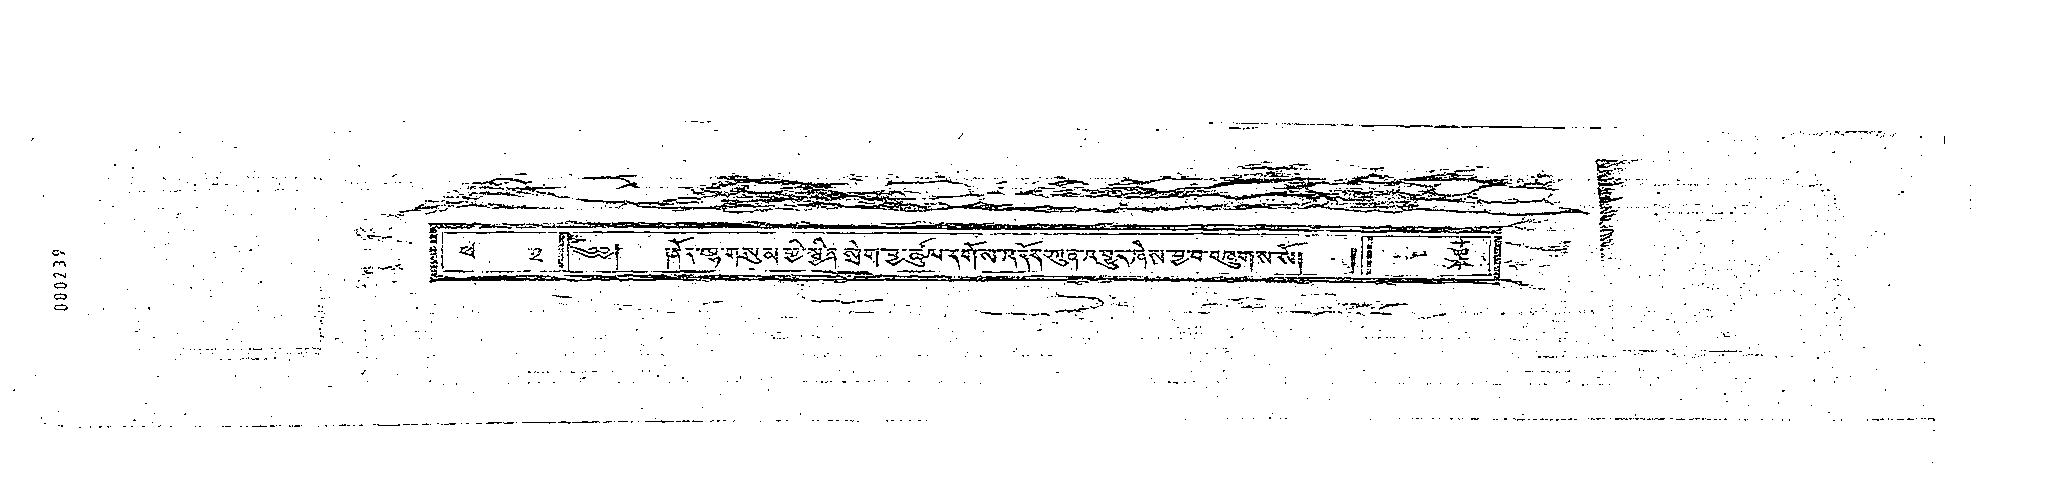ཏ ༡༤?
༄༅། །ནོར་ལྷ་གསུམ་གྱི་སྦྱིན་སྲེག་བྱ་ཚུལ་དགོས་འདོད་ཀུན་འབྱུང་ཞེས་བྱ་པ་བཞུགས་སོ། །